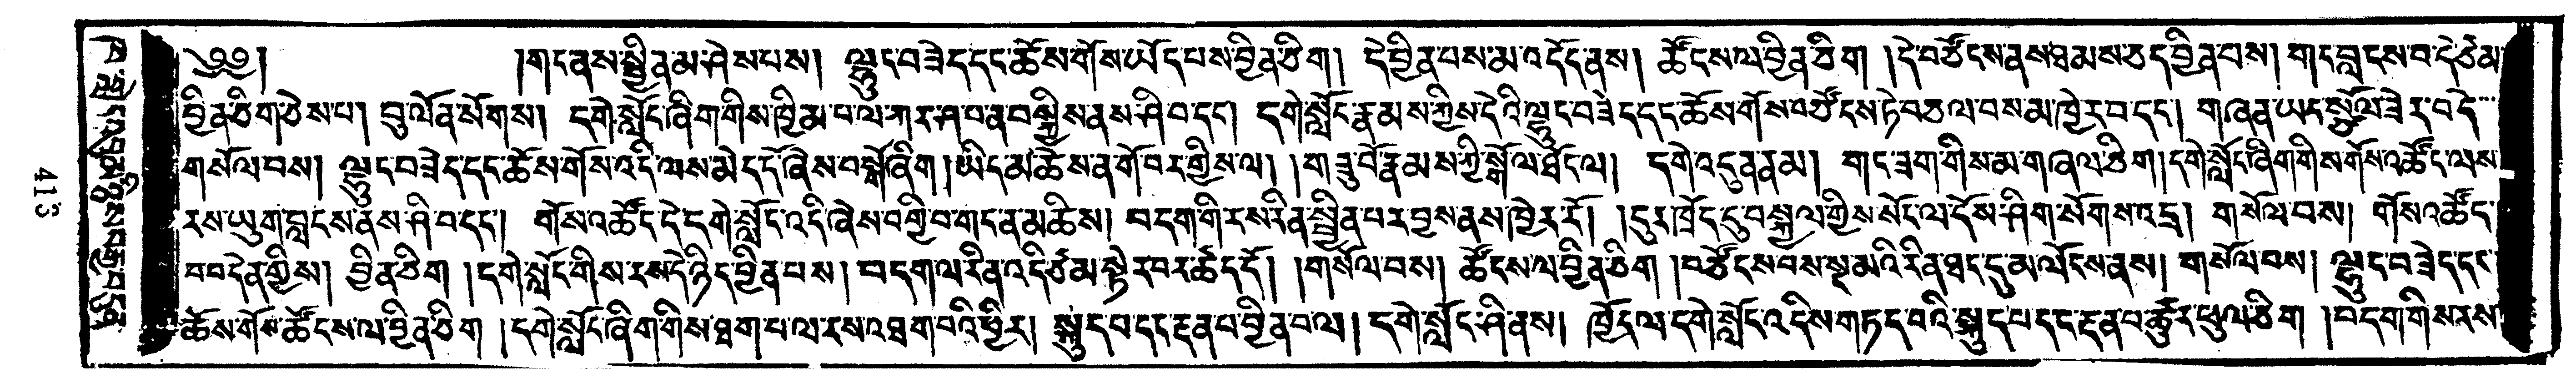༄༅། །གང་ནས་སྦྱིན་མ་ཤེས་པས། ལྷུང་བཟེད་དང་ཆོས་གོས་ཡོད་པས་བྱིན་ཅིག། དེ་བྱིན་པས་མ་འདོད་ནས། ཚོངས་ལ་བྱིན་ཅིག །དེ་བཙོངས་ནས་ཐམས་ཅད་བྱིན་པས། གང་བླངས་བ་དེ་ཙམ་
བྱིན་ཅིག་ཅེས་པ། བུ་ལོན་སོགས། དགེ་སློང་ཞིག་གིས་ཁྱིམ་པ་ལ་ཀར་ཤ་པ་ན་བསྐྱིས་ནས་ཤི་བ་དང་། དགེ་སློང་རྣམས་ཀྱིས་དེའི་ལྷུང་བཟེད་དང་ཆོས་གོས་བཙོངས་ཏེ་བཅལ་བས་མ་ཁྱེར་བ་དང་། གཞན་ཡང་སྩོལ་ཟེར་བདེ་
གསོལ་བས། ལྷུང་བཟེད་དང་ཆོས་གོས་འདི་ལས་མེད་དོ་ཞེས་བསྒོ་ཞིག །ཡིད་མ་ཆེས་ན་གོ་བར་གྱིས་ལ། །གཟུ་བོ་རྣམས་ཀྱི་སྒོ་ལ་ཐོང་ལ། དགེ་འདུན་ནམ། གང་ཟག་གིས་མ་གཞལ་ཅིག། དགེ་སློང་ཞིག་གིས་གོས་འཚོང་ལས་
རས་ཡུག་བླངས་ནས་ཤི་བ་དང་། གོས་འཚོང་དེ་དགེ་སློང་འདི་ཞེས་བགྱི་བ་གང་ན་མཆིས། བདག་གི་རས་རིན་སྦྱིན་པར་བྱས་ནས་ཁྱེར་རོ། །དུར་ཁྲོད་དུ་བསྐྱལ་གྱིས་སོང་ལ་དོས་ཤིག་སོགས་འདྲ། གསོལ་བས། གོས་འཚོང་
བ་བདེན་གྱིས། བྱིན་ཅིག །དགེ་སློང་གིས་རས་དེ་ཉིད་བྱིན་པས། བདག་ལ་རིན་འདི་ཙམ་སྟེར་བར་ཚད་དོ། །གསོལ་བས། ཚོངས་ལ་བྱིན་ཅིག །བཙོངས་བས་སྔ་མའི་རིན་ཐང་དུ་མ་ལོངས་ནས། གསོལ་བས། ལྷུང་བཟེད་དང་
ཆོས་གོས་ཚོངས་ལ་བྱིན་ཅིག །དགེ་སློང་ཞིག་གིས་ཐག་པ་ལ་རས་འཐག་པའི་ཕྱིར། སྐུད་བ་དང་རྡན་པ་བྱིན་བ་ལ། དགེ་སློང་ཤི་ནས། ཁྱོད་ལ་དགེ་སློང་འདིས་གཏད་བའི་སྐུད་པ་དང་རྡན་པ་ཚུར་ཕུལ་ཅིག །བདག་གིས་རས་